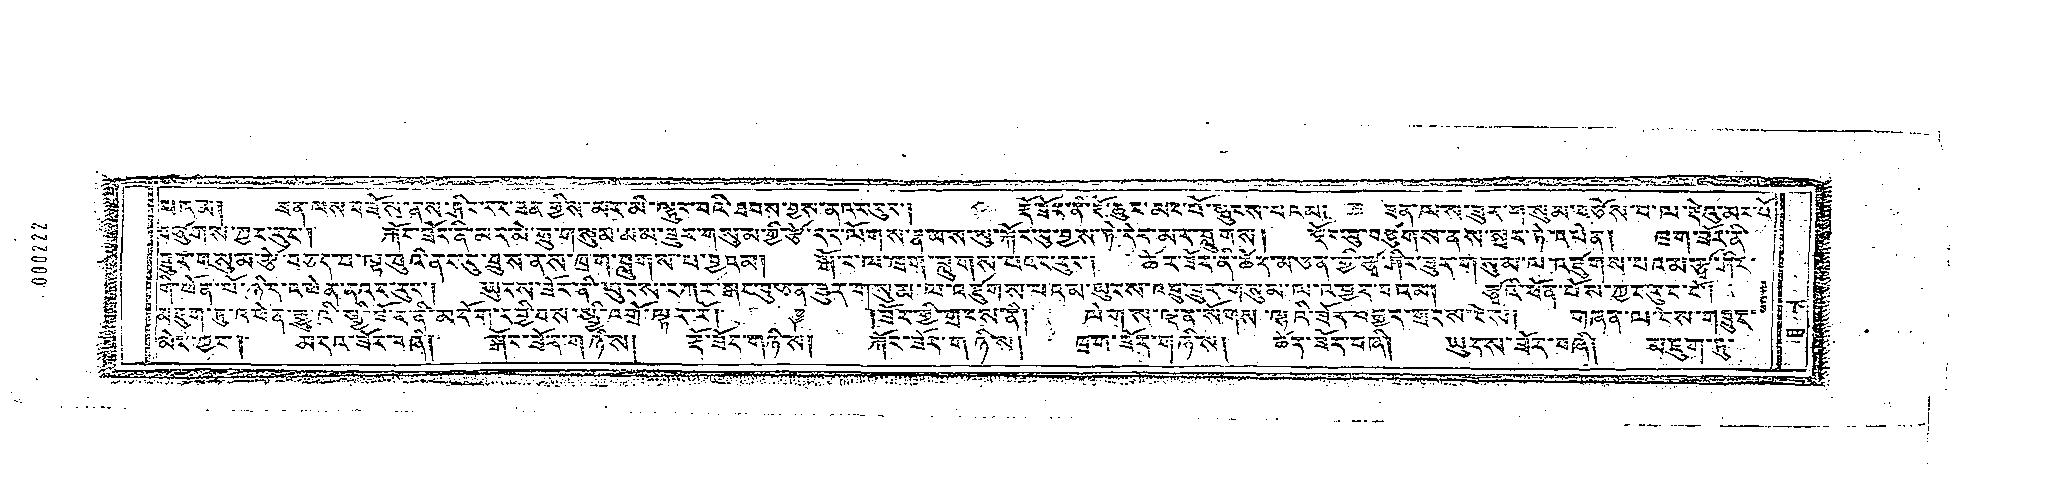པའམ། ཟན་ལས་བཟོས་ནས་ཤིང་དང་ཟན་གྱིས་མར་མི་ལྟུང་བའི་ཐབས་བྱས་ནའང་རུང་། རྡོ་ཟོར་ནི་རྡོ་ཆུང་མང་པོ་སྤུངས་བ་འམ། ཟན་ལས་ཟུར་གསུམ་བཅོས་པ་ལ་རྡེའུ་མང་པོ་
བཙུགས་ཀྱང་རུང་། རྐོང་ཟོར་ནི་མར་མེ་གྲུ་གསུམ་མམ་ཟུར་གསུམ་གྱི་རྩེ་དང་ལོགས་རྣམས་སུ་རྐོང་བུ་བྱས་ཏེ་དེར་མར་བླུགས། སྡོང་བུ་བཙུགས་ནས་སྤར་ཏེ་འཕེན། ཁྲག་ཟོར་ནི་
ཟུར་གསུམ་རྩེ་བཅད་པ་ལྟ་བུའི་ནང་དུ་བྲུས་ནས་ཁྲག་བླུགས་པ་བྱའམ། སྒོ་ང་ལ་ཁྲག་བླུགས་པའང་རུང་། ཚེར་ཟོར་ནི་ཚེར་མ་ཅན་གྱི་རྩྭ་ཤིང་ཟུར་གསུམ་ལ་འཛུགས་པའམ་རྩྭ་ཤིང་
གི་ཕོན་པོ་ཉིད་འཕན་ནའང་རུང་། ཡུངས་ཟོར་ནི་ཡུངས་དཀར་སྒང་བུ་ཅན་ཟུར་གསུམ་ལ་འཛུགས་པའམ་ཡུངས་འབྲུ་ཟུར་གསུམ་ལ་འབྱར་བའམ། རྩྭའི་ཕོན་བོས་ཀྱང་རུང་ངོ། །
མཇུག་ཏུ་འཕེན་རྒྱུའི་སྤྱི་ཟོར་ནི་མདོག་དབྱིབས་སྤྱི་འགྲོ་ལྟར་རོ། ༈ །ཟོར་གྱི་གྲངས་ནི། ལེགས་ལྡན་སོགས་ལྷའི་ཟོར་བརྒྱད་གྲངས་ངེས། གཞན་ལ་དེས་གཟུང་
མེད་ཀྱང་། མངའ་ཟོར་བཞི། སྒོང་ཟོར་གཉིས། རྡོ་ཟོད་གཉིས། རྐོང་ཟོར་གཉིས། ཁྲག་ཟོར་གཉིས། ཚེར་ཟོར་བཞི། ཡུངས་ཟོར་བཞི། མཇུག་ཏུ་